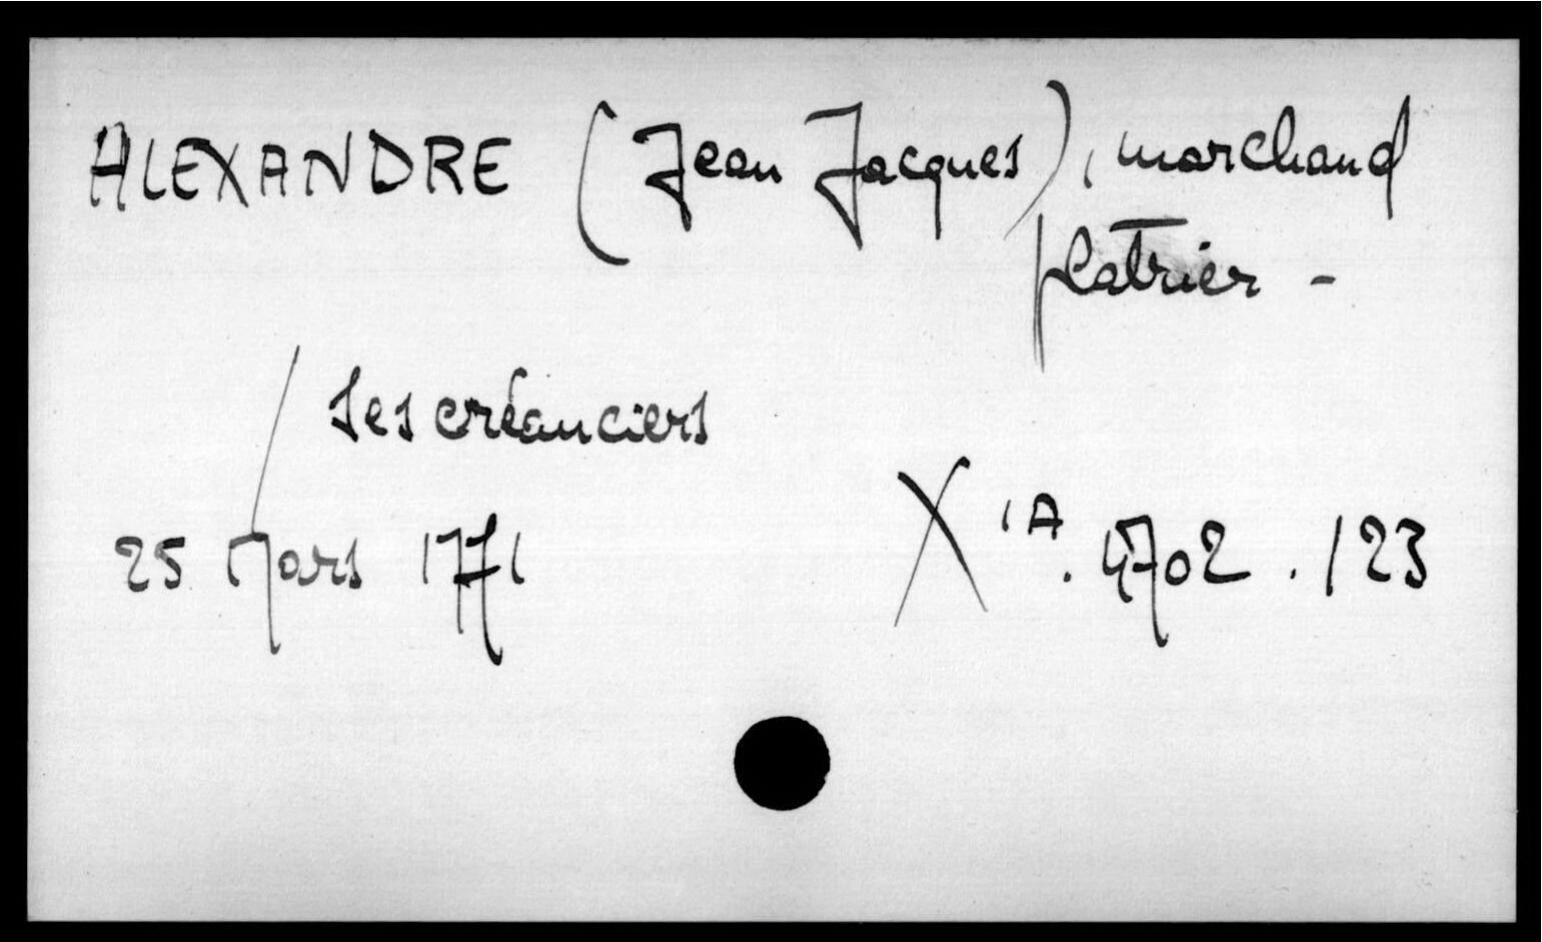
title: ALEXANDRE (Jean Jacques), marchand platrier
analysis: Contre ses créanciers
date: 25 mars 1771
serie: X1A
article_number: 4702
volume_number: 123
